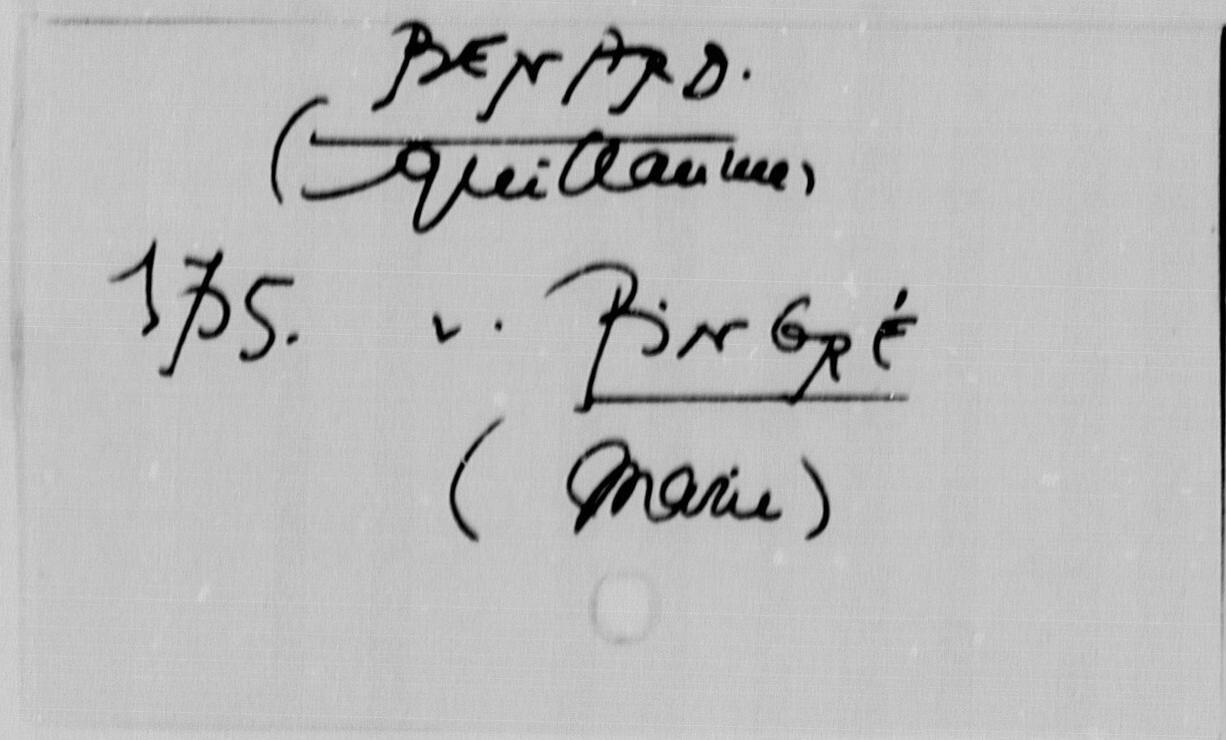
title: BENARD (Guillaume)
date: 1705
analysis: Voir PINGRÉ (Marie)
